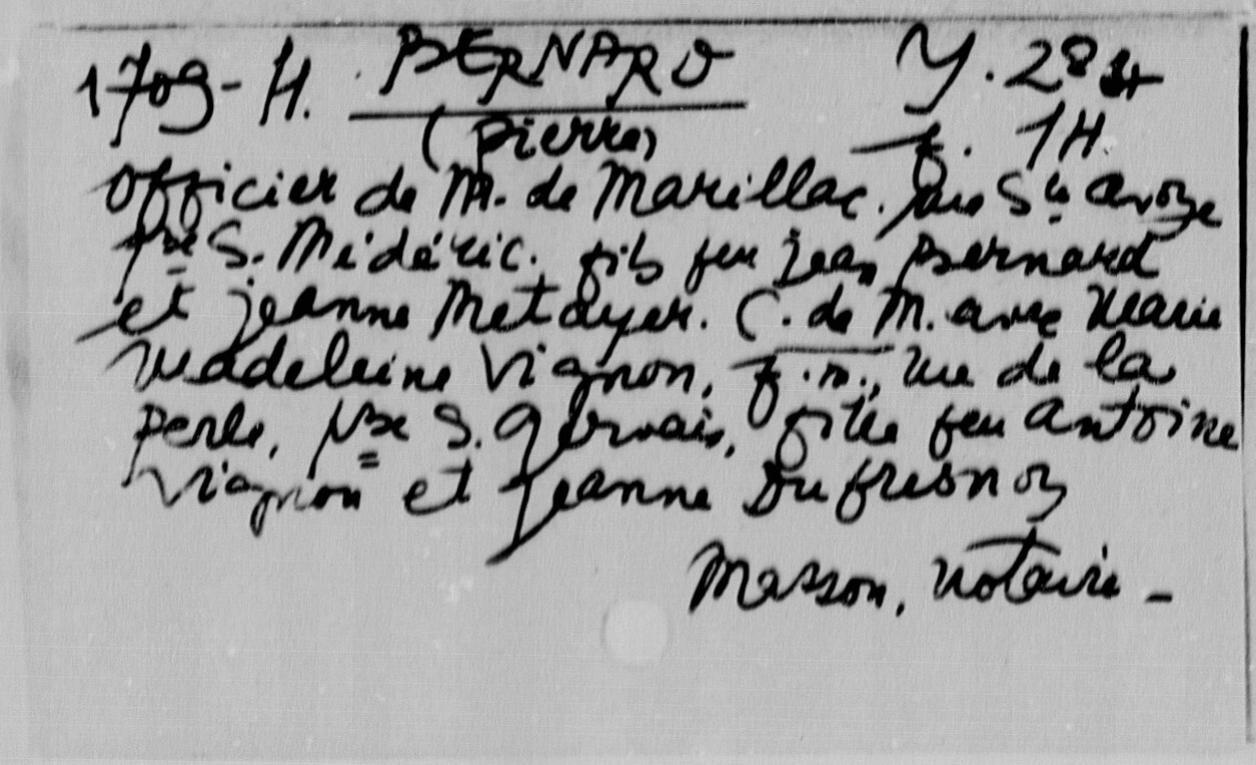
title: BERNARD (Pierre)
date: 1709-1711
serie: Y
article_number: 284
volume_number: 14
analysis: Officier de monsieur de Marillac. Rue Sainte-Avoye paroisse Saint-Médéric. Fils feu Jean Bernard et Jeanne Metayer. Contrat de mariage avec Marie Madeleine Vignon, fille majeure, rue de la Perle, paroisse Saint-Gervais, fille feu Antoine Vignon et Jeanne Dufresnoy Masson, notaire.
